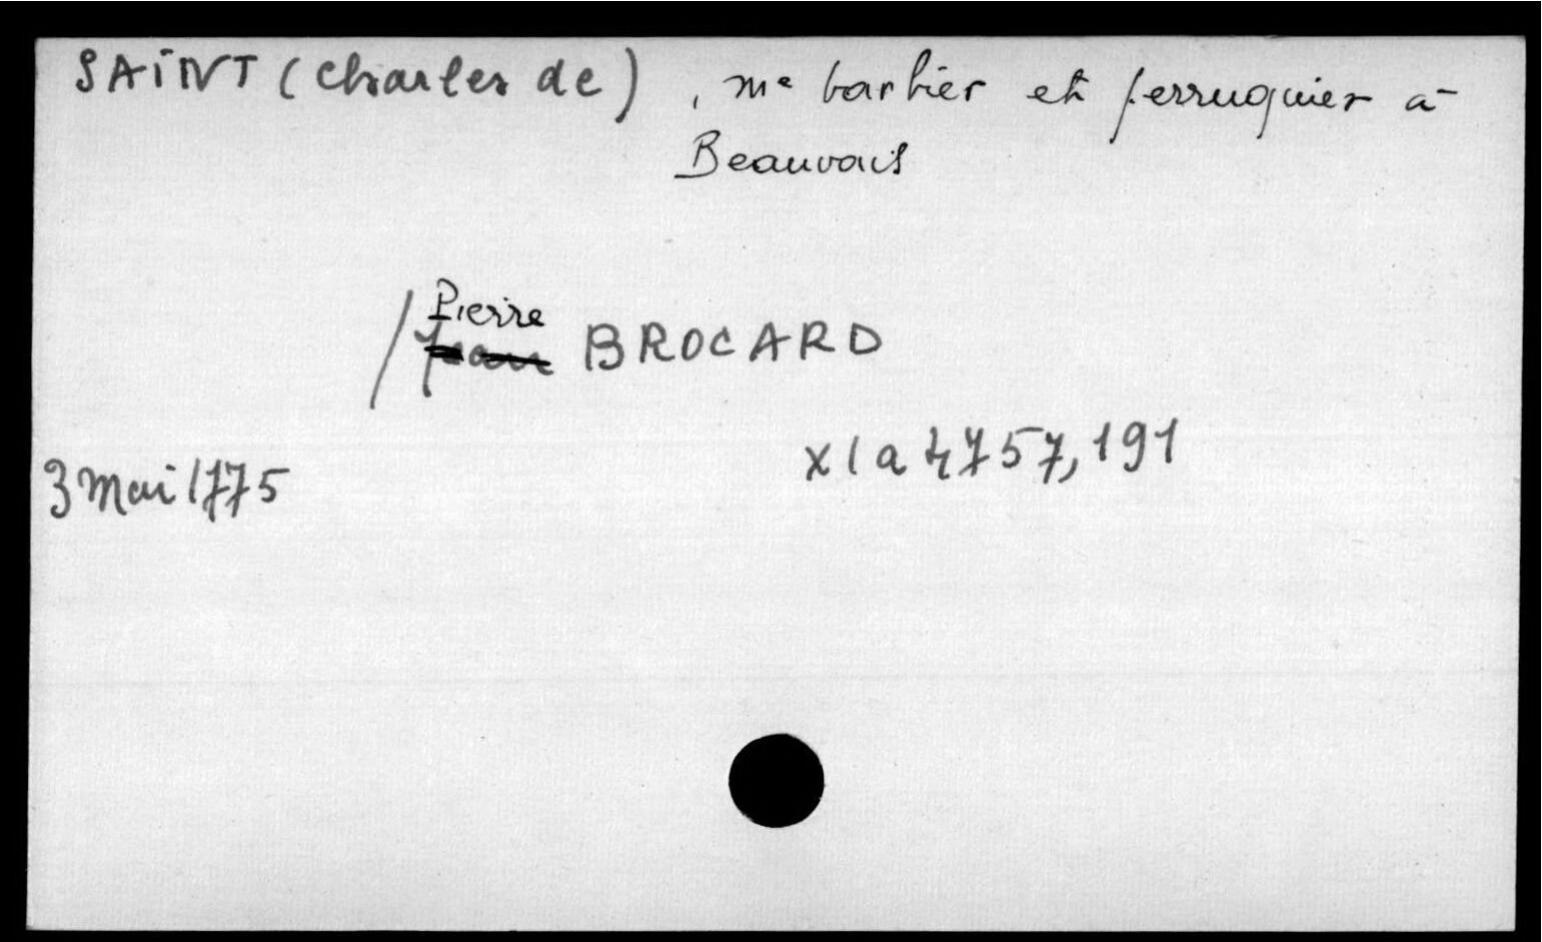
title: SAINT (Charles de), maître barbier et perruquier à Beauvais
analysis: Contre Pierre BROCARD
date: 3 mai 1775
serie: X1a
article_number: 4757
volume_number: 191
